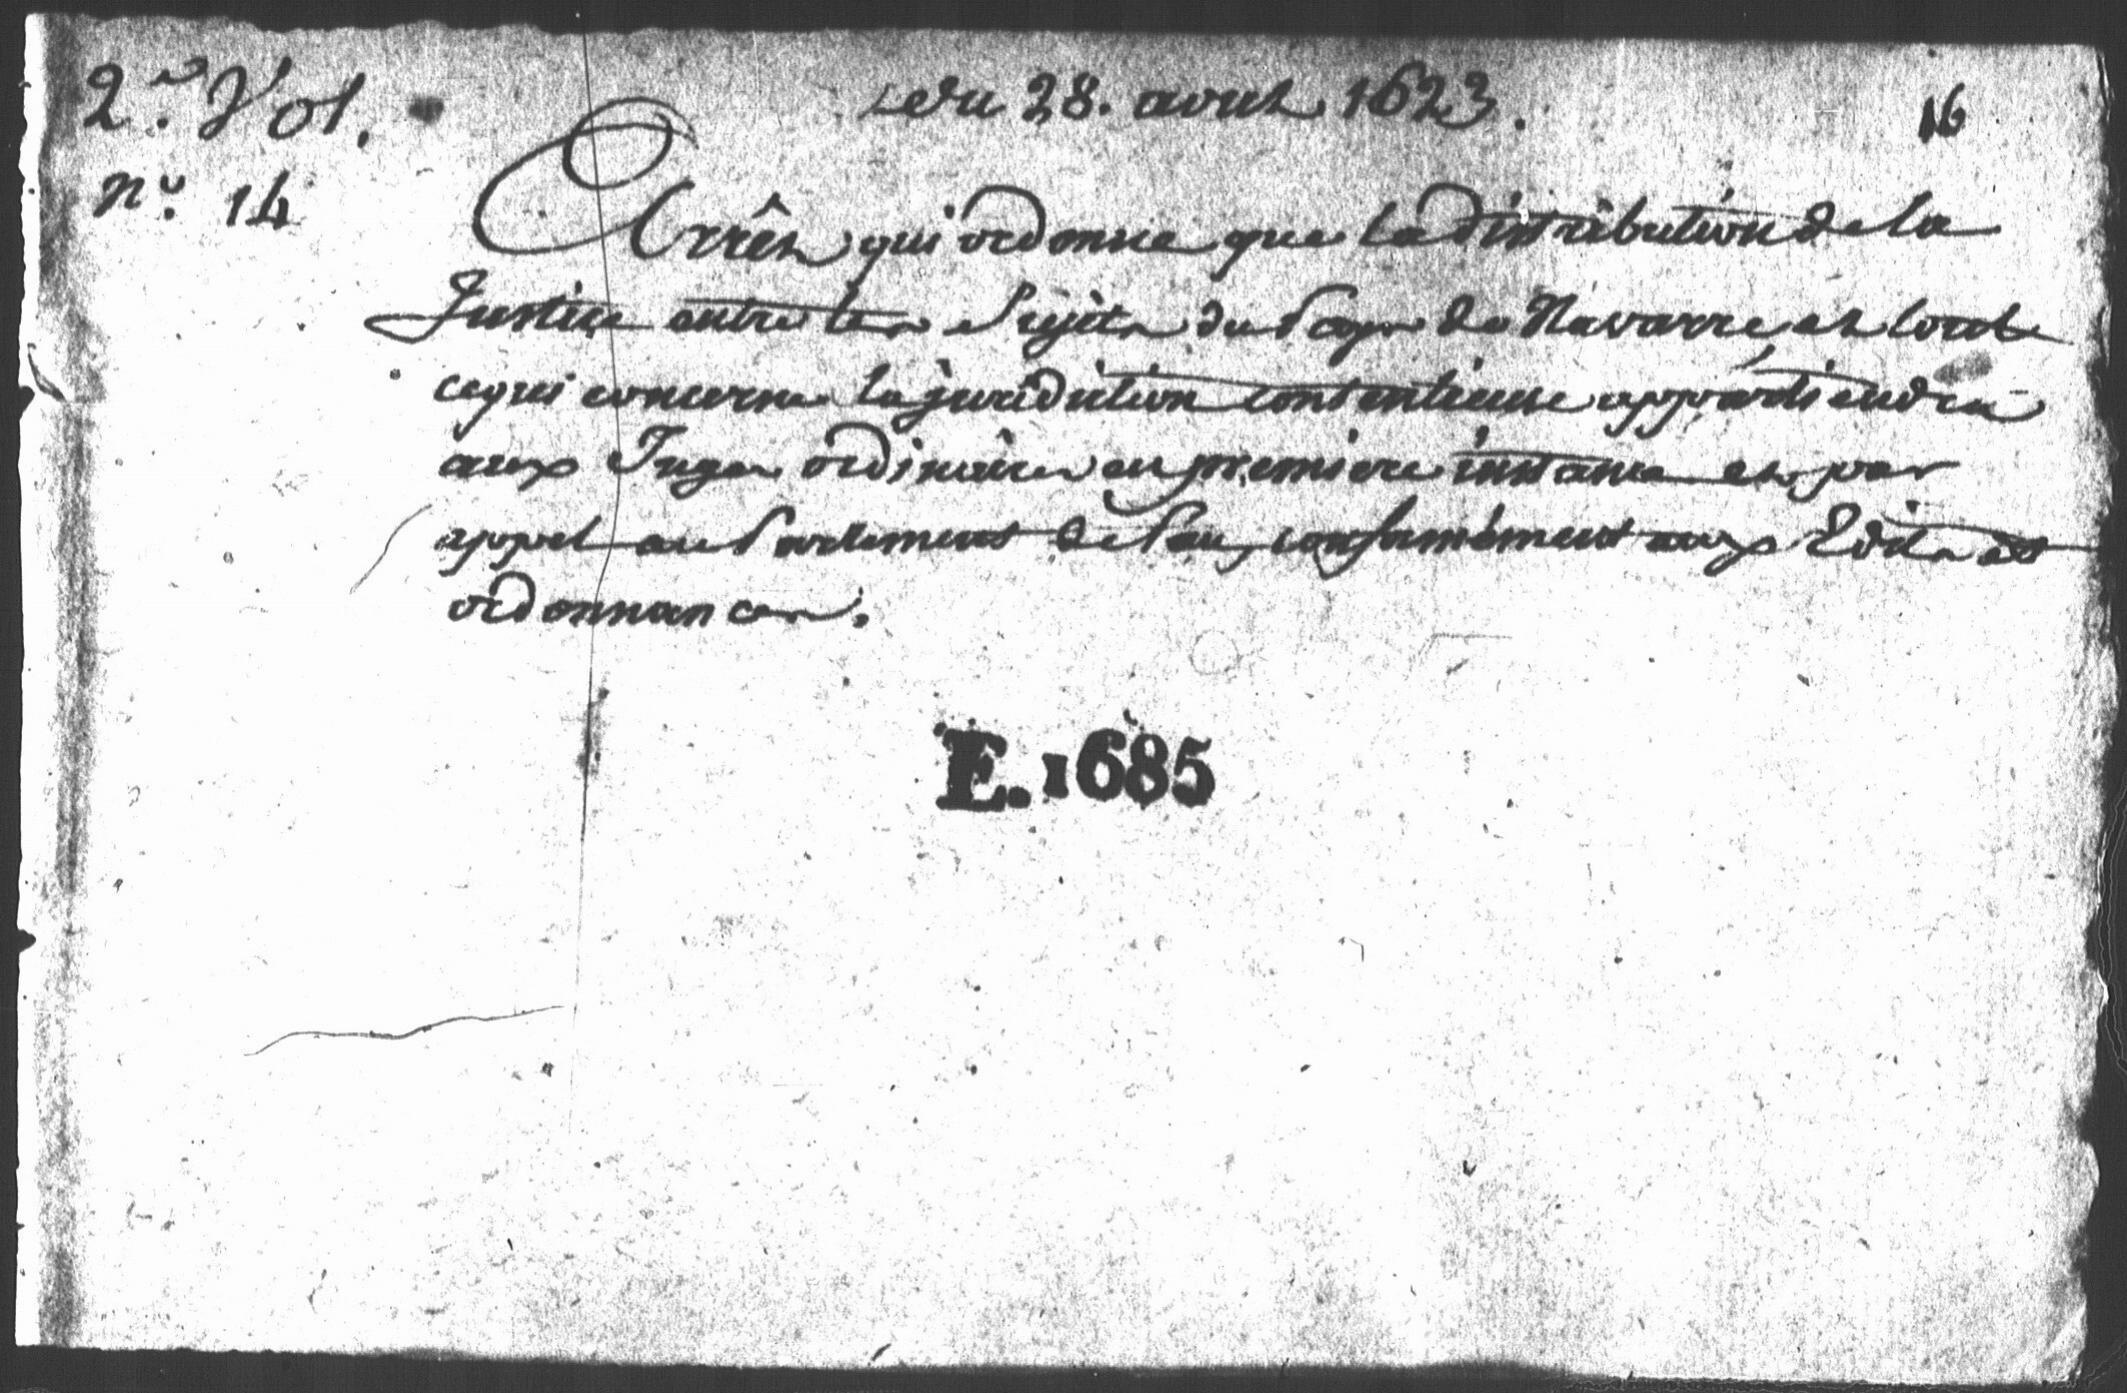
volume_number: n°14
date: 28 août 1623
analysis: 16
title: Arrêt qui ordonne que la distribution de la justice entre les sujets du Pays de Navarre et tout ce qui concerne la juridiction contentieuse appartiendra aux juges ordinaires en première instance et par appel au Parlement de Pau, conformément aux édits et ordonnances.
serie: E
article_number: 1685
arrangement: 2e vol.
